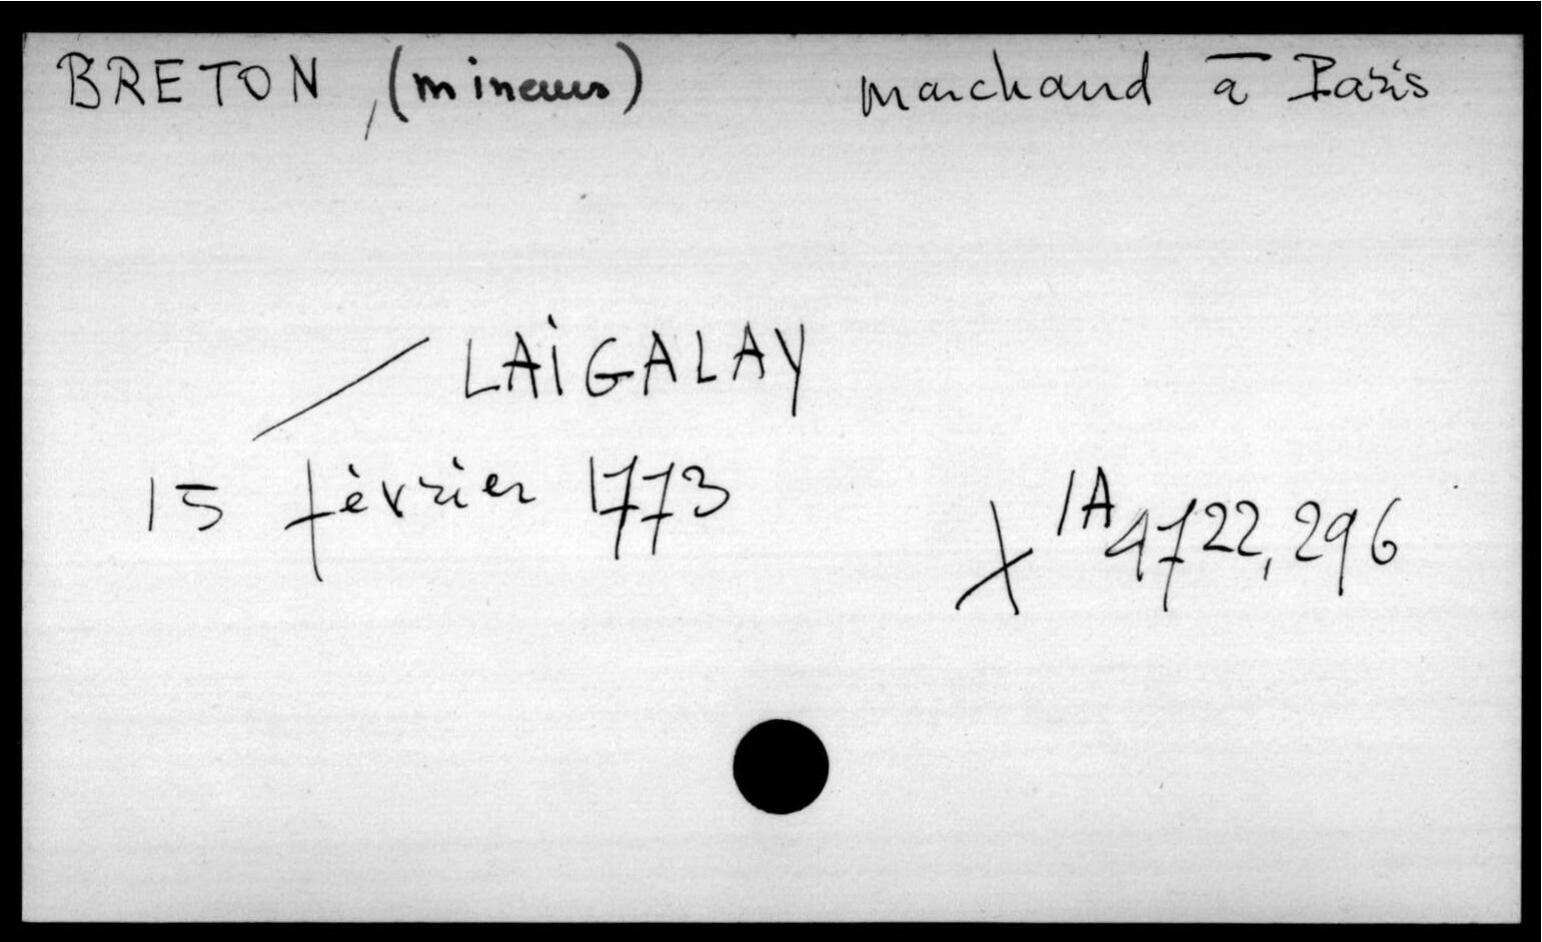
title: BRETON (mineurs) marchand à Paris
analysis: Contre LAIGALAY
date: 15 février 1773
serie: X1A
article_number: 4722
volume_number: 296
